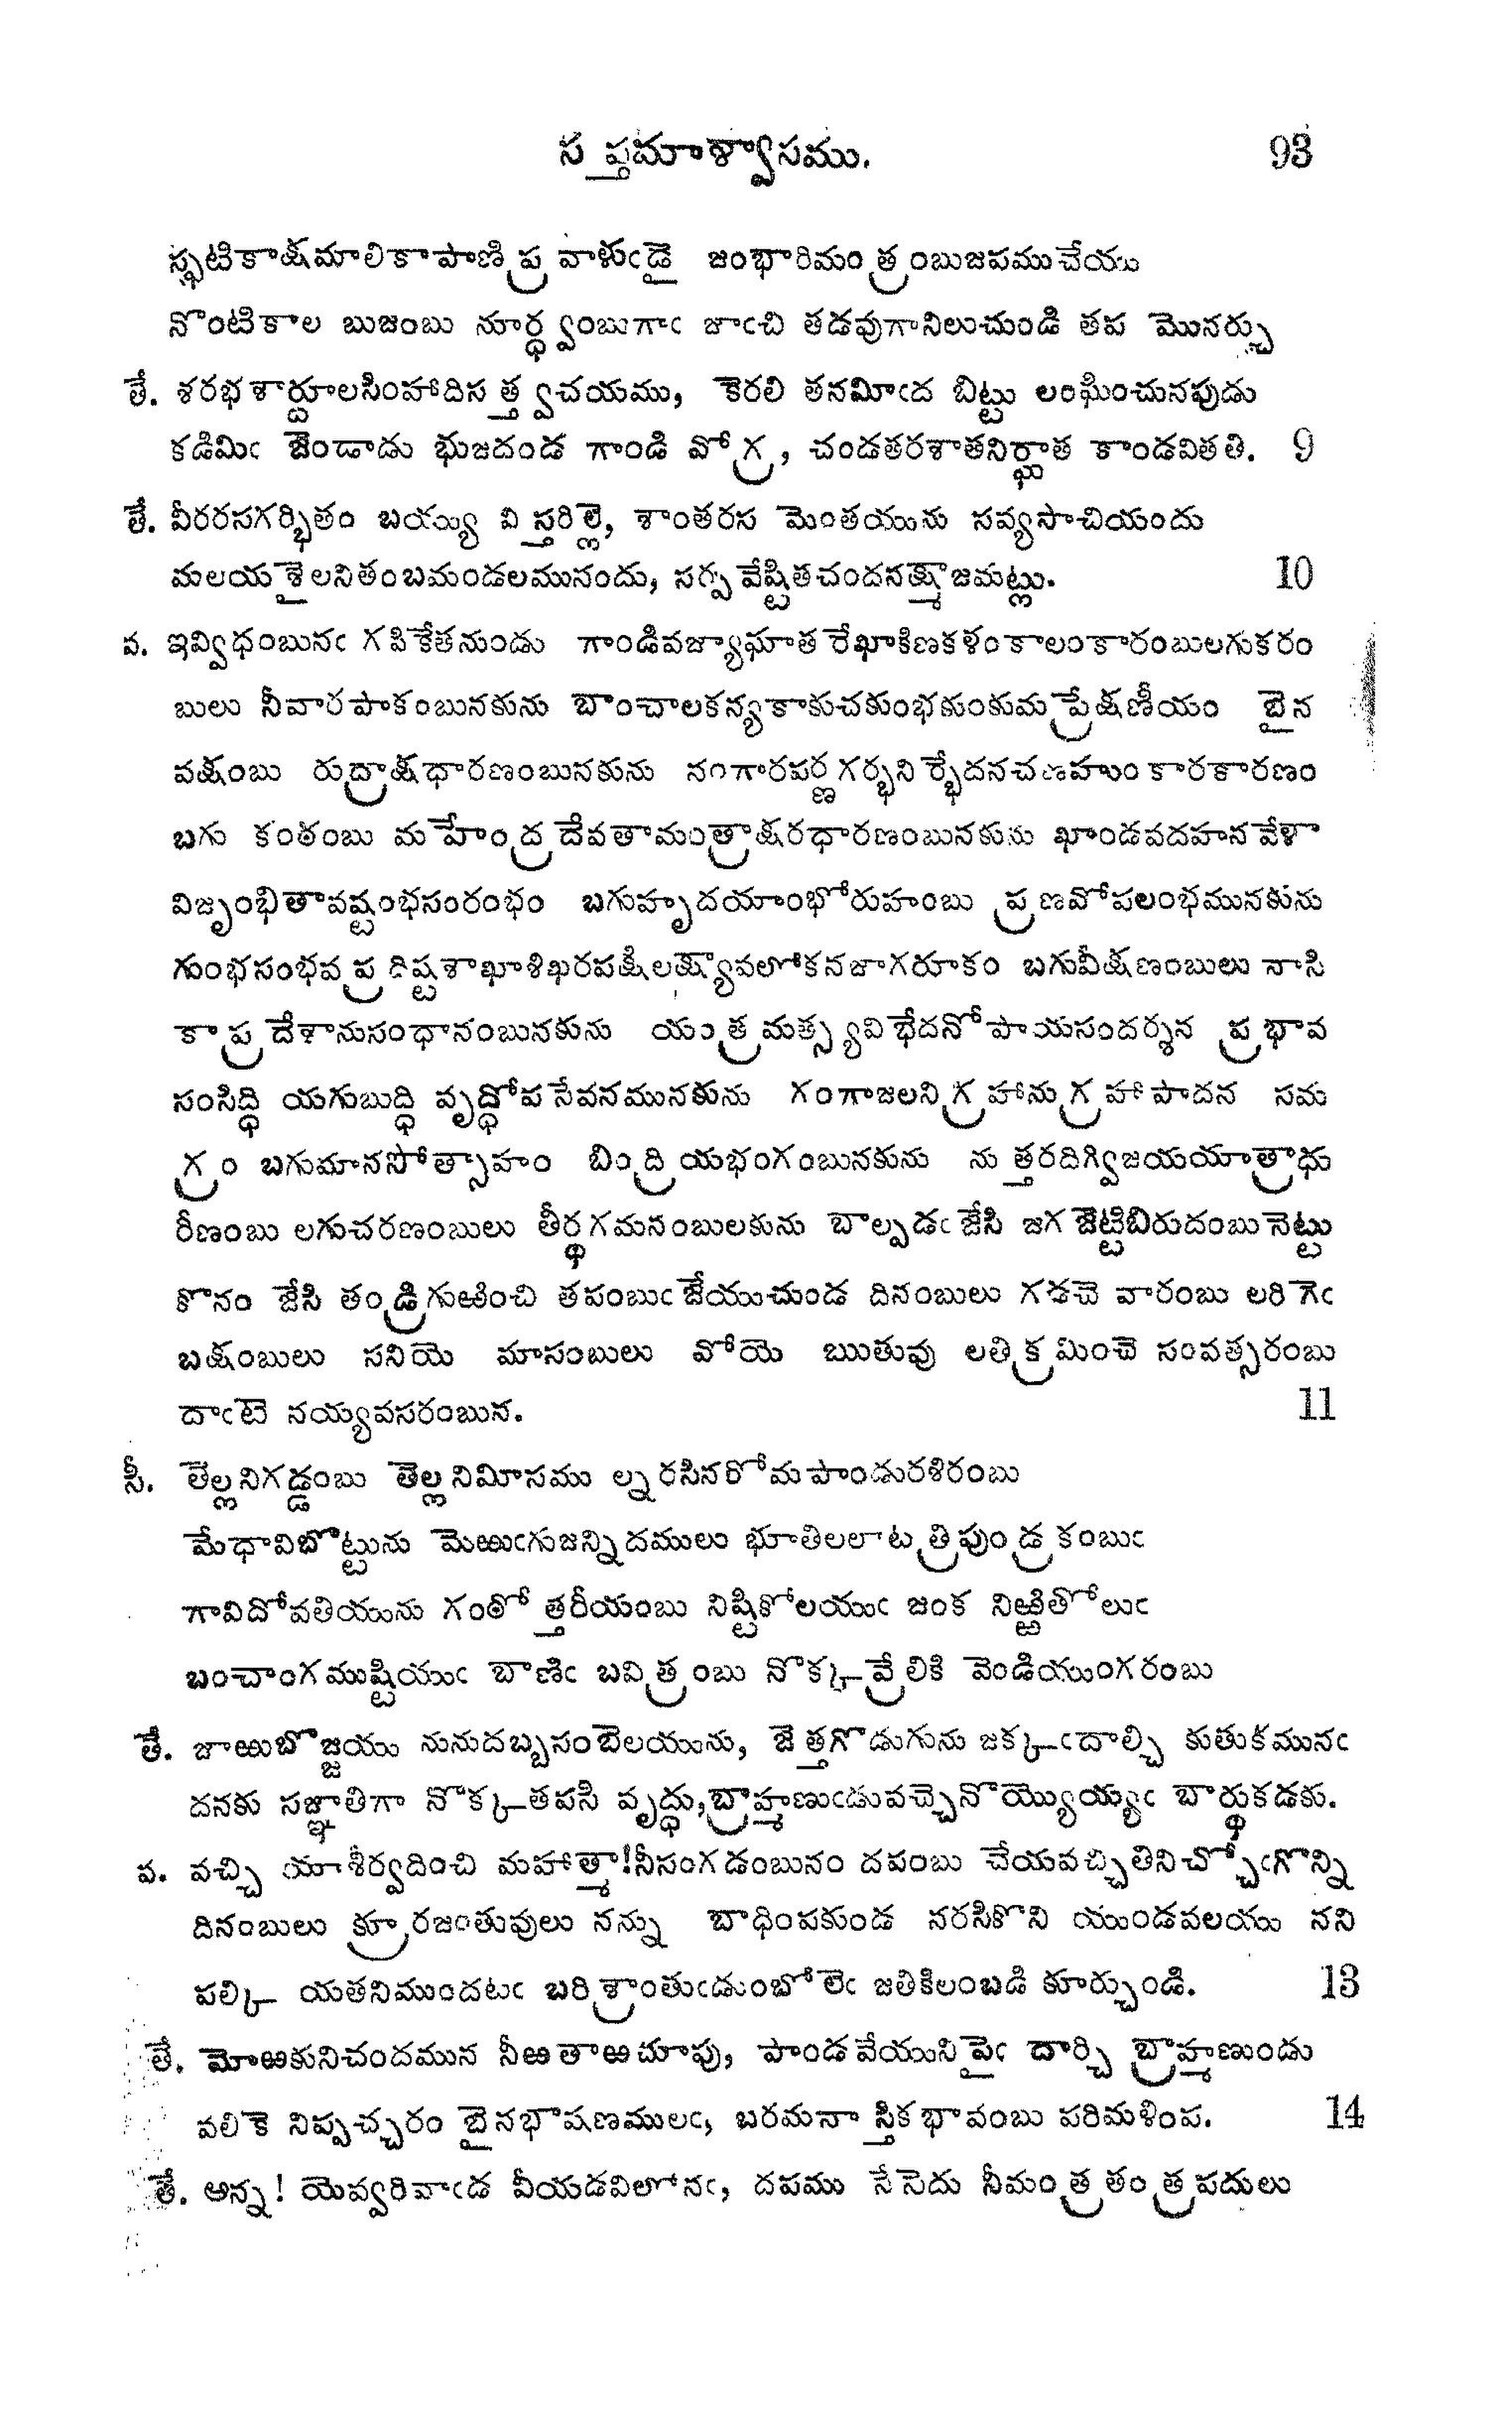స్ఫటికాక్షమాలికాపాణిప్రవాళుఁడై జంభారిమంత్రంబు జపము చేయు
నొంటికాల బుజంబు నూర్ధ్వంబుగాఁ జాఁచి తడవుగా నిలుచుండి తప మొనర్చు
తే. శరభశార్దూలసింహాదిసత్త్వచయము, కెరలి తనమీఁద బిట్టు లంఘించునపుడు
కడిమిఁ జెండాడు భుజదండగాండివోగ్ర, చండతరశాతనిర్ఘాతకాండవితతి. 9

తే. వీరరసగర్భితం బయ్యు విస్తరిల్లె, శాంతరస మెంతయును సవ్యసాచియందు
మలయశైలనితంబమండలమునందు, సర్పవేష్టితచందనక్ష్మాజమట్లు. 10

వ. ఇవ్విధంబునఁ గపికేతనుండు గాండివజ్యాఘాతరేఖాకిణకళంకాలంకారంబు లగుకరంబులు నీవారపాకంబునకును బాంచాలకన్యకాకుచకుంభకుంకుమప్రేక్షణీయం బైనవక్షంబు రుద్రాక్షధారణంబునకును నంగారపర్ణగర్భనిర్భేదనచణహుంకారకారణం బగుకంఠంబు మహేంద్రదేవతామంత్రాక్షరధారణంబునకును ఖాండవదహనవేళావిజృంభితావష్టంభసంరంభం బగుహృదయాంభోరుహంబు ప్రణవోపలంభమునకును గుంభసంభవప్రదిష్టశాఖాశిఖరపక్షిలక్ష్యావలోకనజాగరూకం బగువీక్షణంబులు నాసికాప్రదేశానుసంధానంబునకును యంత్రమత్స్యవిభేదనోపాయసందర్శనప్రభావసంసిద్ధి యగుబుద్ధి వృద్ధోపసేవనమునకును గంగాజలనిగ్రహానుగ్రహాపాదనసమగ్రం బగుమానసోత్సాహం బింద్రియభంగంబునకును నుత్తరదిగ్విజయయాత్రాధురీణంబు లగుచరణంబులు తీర్థగమనంబులకును బాల్పడఁజేసి జగజెట్టిబిరుదంబు నెట్టుకొనం జేసి తండ్రిగుఱించి తపంబుఁ జేయుచుండ దినంబులు గడచె వారంబు లరిగెఁ బక్షంబులు సనియె మాసంబులు వోయె ఋతువు లతిక్రమించె సంవత్సరంబు దాఁటె నయ్యవసరంబున. 11

సీ. తెల్లనిగడ్డంబు తెల్లనిమీసము ల్నరసినరోమపాండురశిరంబు
మేధావిబొట్టును మెఱుఁగుజన్నిదములు భూతిలలాటత్రిపుండ్రకంబుఁ
గావిదోవతియును గంఠోత్తరీయంబు నిష్టికోలయుఁ జంక నిఱ్ఱితోలుఁ
బంచాంగముష్టియుఁ బాణిఁ బవిత్రంబు నొక్కవ్రేలికి వెండియుంగరంబు
తే. జాఱుబొజ్జయు నునుదబ్బసంబెలయును, జెత్తగొడుగును జక్కఁదాల్చి కుతుకమునఁ
దనకు సజ్ఞాతిగా నొక్కతపసివృద్ధు, బ్రాహ్మణుఁడు వచ్చె నొయ్యొయ్యఁ బార్థుకడకు. 12

వ. వచ్చి యాశీర్వదించి మహాత్మా! నీసంగడంబునం దపంబు చేయవచ్చితి నిచ్చోఁ గొన్నిదినంబులు క్రూరజంతువులు నన్ను బాధింపకుండ నరసికొని యుండవలయు నని పల్కి యతనిముందటఁ బరిశ్రాంతుఁడుంబోలెఁ జతికిలంబడి కూర్చుండి. 13

తే. మోఱకునిచందమున నీఱతాఱచూపు, పాండవేయునిపైఁ దార్చి బ్రాహ్మణుండు
వలికె నిప్పచ్చరం బైనభాషణములఁ, బరమనాస్తికభావంబు పరిమళింప. 14

తే. అన్న! యెవ్వరివాఁడ వీయడవిలోనఁ, దపము సేసెదు నీమంత్రతంత్రపదులు